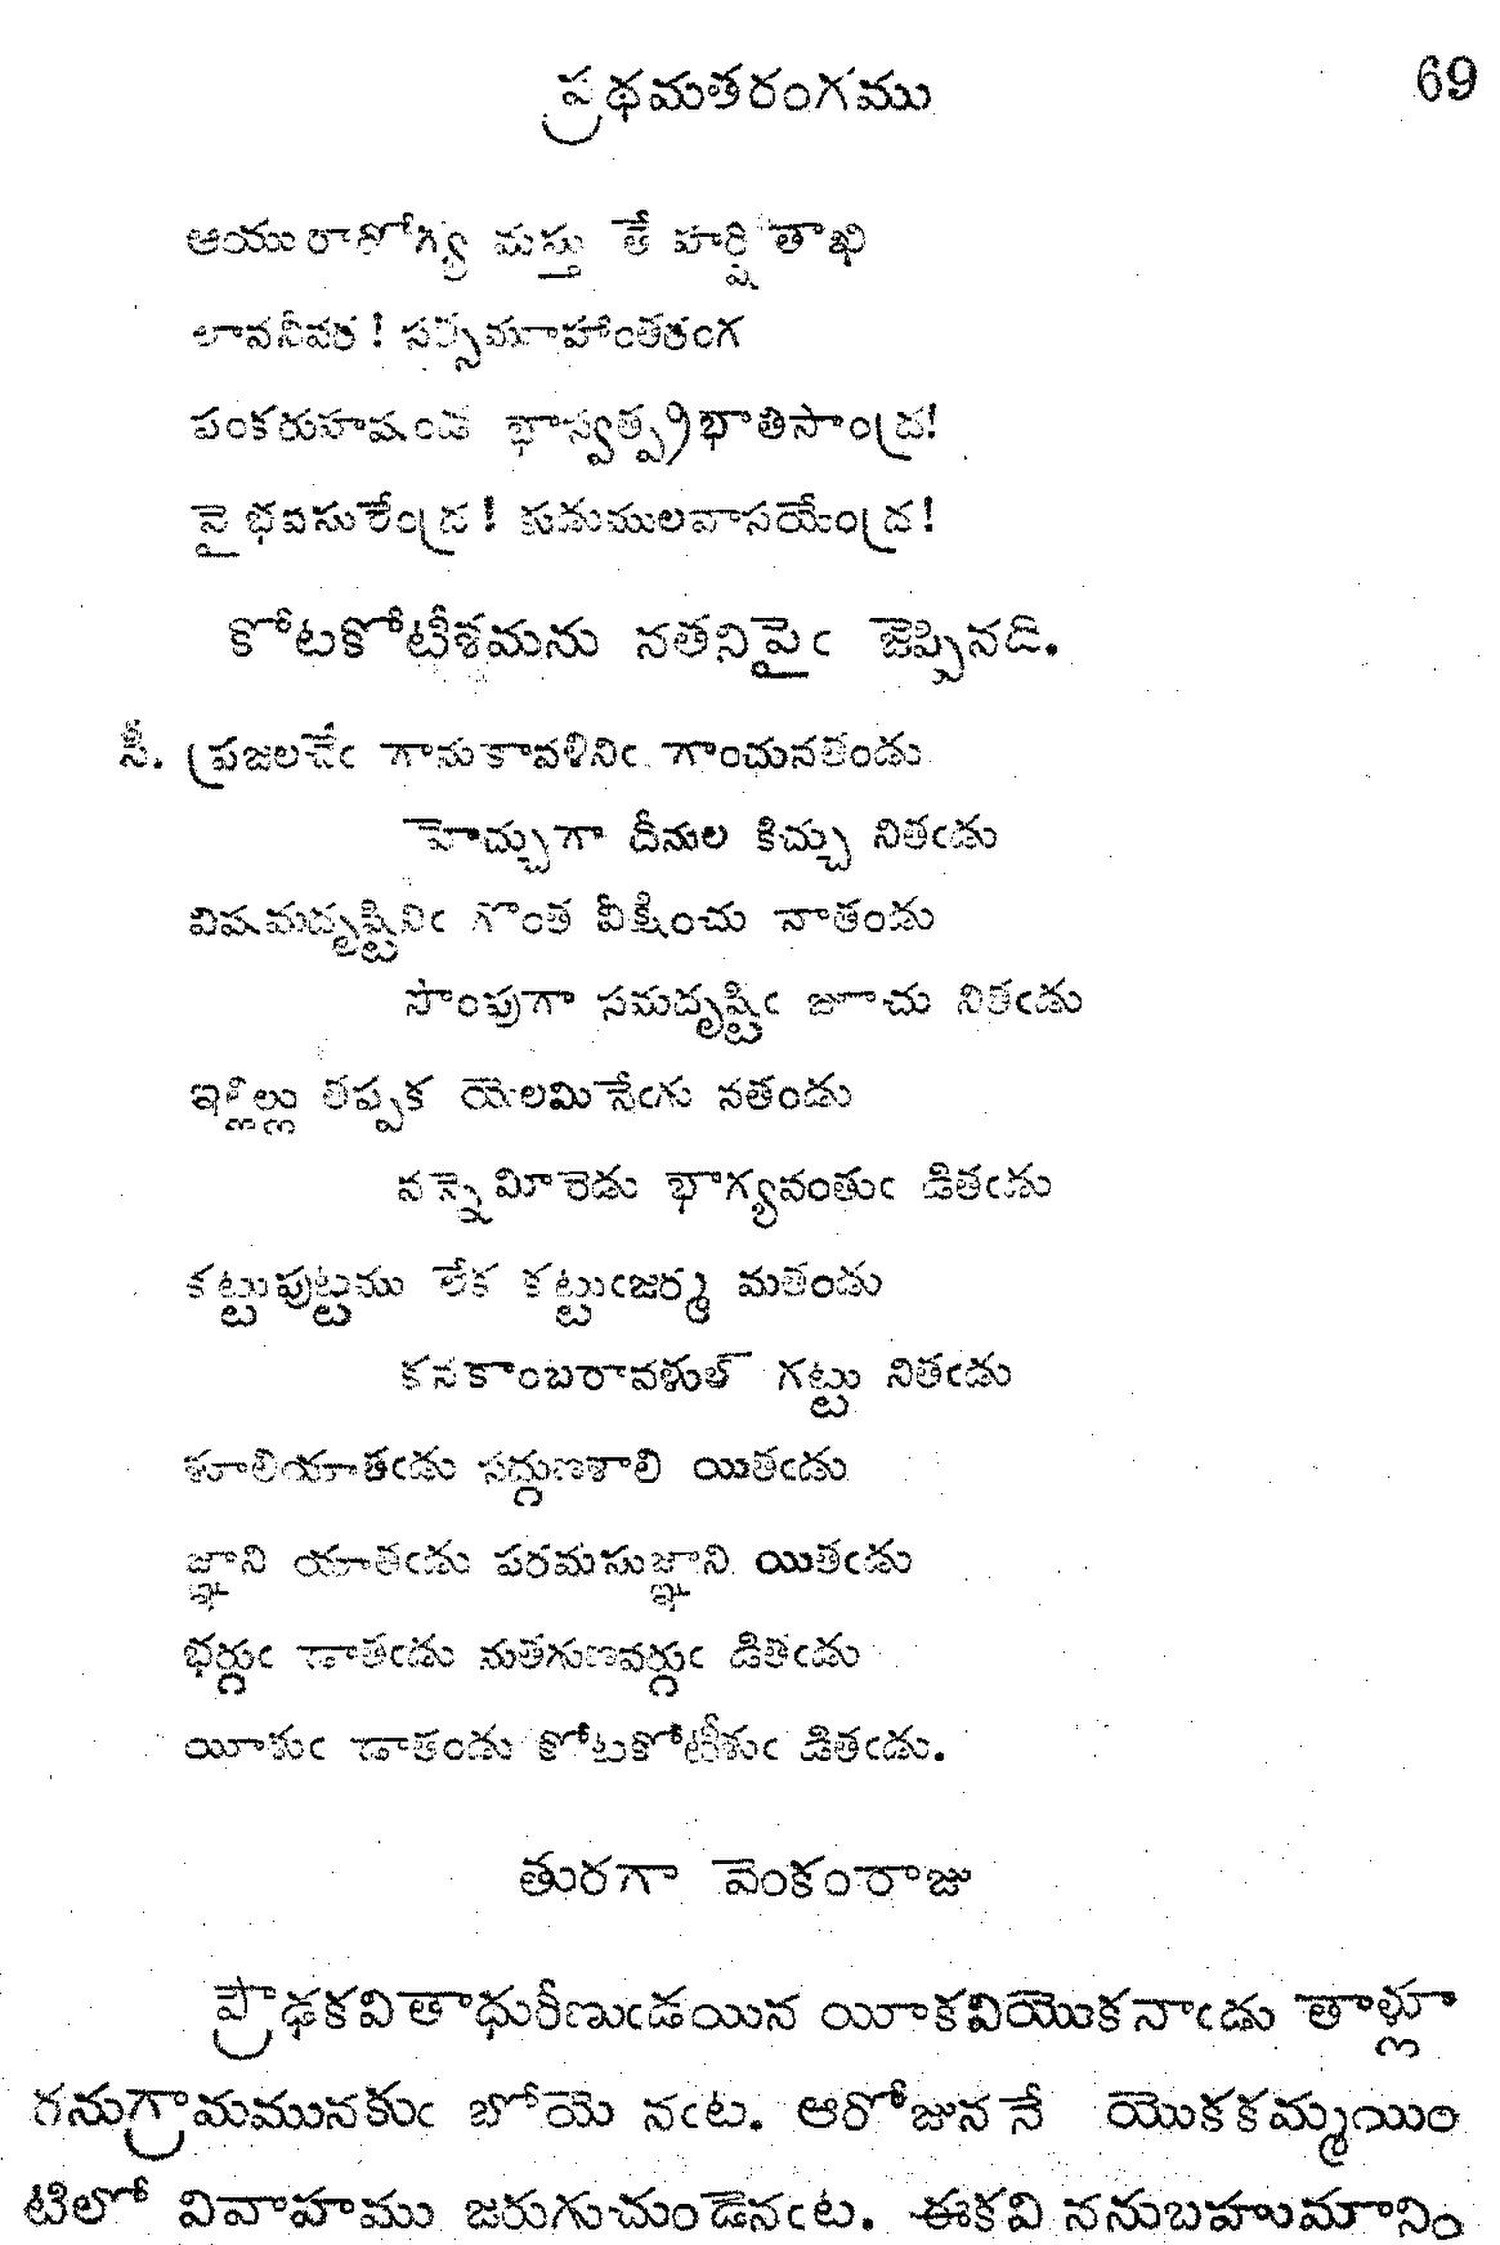ఆయురారోగ్య మస్తు తే హర్షితాఖి
 లావనీవర! సత్సమూహాంతరంగ
 పంకరుహషండ భాస్వత్ప్రభాతిసాంద్ర!
 వైభవసురేంద్ర! కుడుములవాసయేంద్ర!

కోటకోటీశమను నతనిపైఁ జెప్పినది.

సీ. ప్రజలచేఁ గానుకావళినిఁ గాంచునతండు
 హెచ్చుగా దీనుల కిచ్చు నితఁడు
 విషమదృష్టినిఁ గొంత వీక్షించు నాతండు
 సొంపుగా సమదృష్టిఁ జూచు నితఁడు
 ఇల్లిల్లు తప్పక యెలమినేఁగు నతండు
 వన్నెమీరెడు భాగ్యవంతుఁ డితఁడు
 కట్టుపుట్టము లేక కట్టుఁజర్మ మతండు
 కనకాంబరావళుల్ గట్టు నితఁడు
 శూలి యాతఁడు సద్గుణశాలి యితఁడు
 జ్ఞాని యాతఁడు పరమసుజ్ఞాని యితఁడు
 భర్గుఁ డాతఁడు నుతగుణవర్గుఁ డితఁడు
 యీశుఁ డాతండు కోటకోటీశుఁ డితఁడు.

ప్రౌఢకవితాధురీణుఁడయిన యీకవి యొకనాఁడు తాళ్ళూరనుగ్రామమునకుఁ బోయెనఁట. ఆరోజుననే యొకకమ్మయింటిలో వివాహము జరుగుచుండెనఁట. ఈకవి ననుబహుమానిం